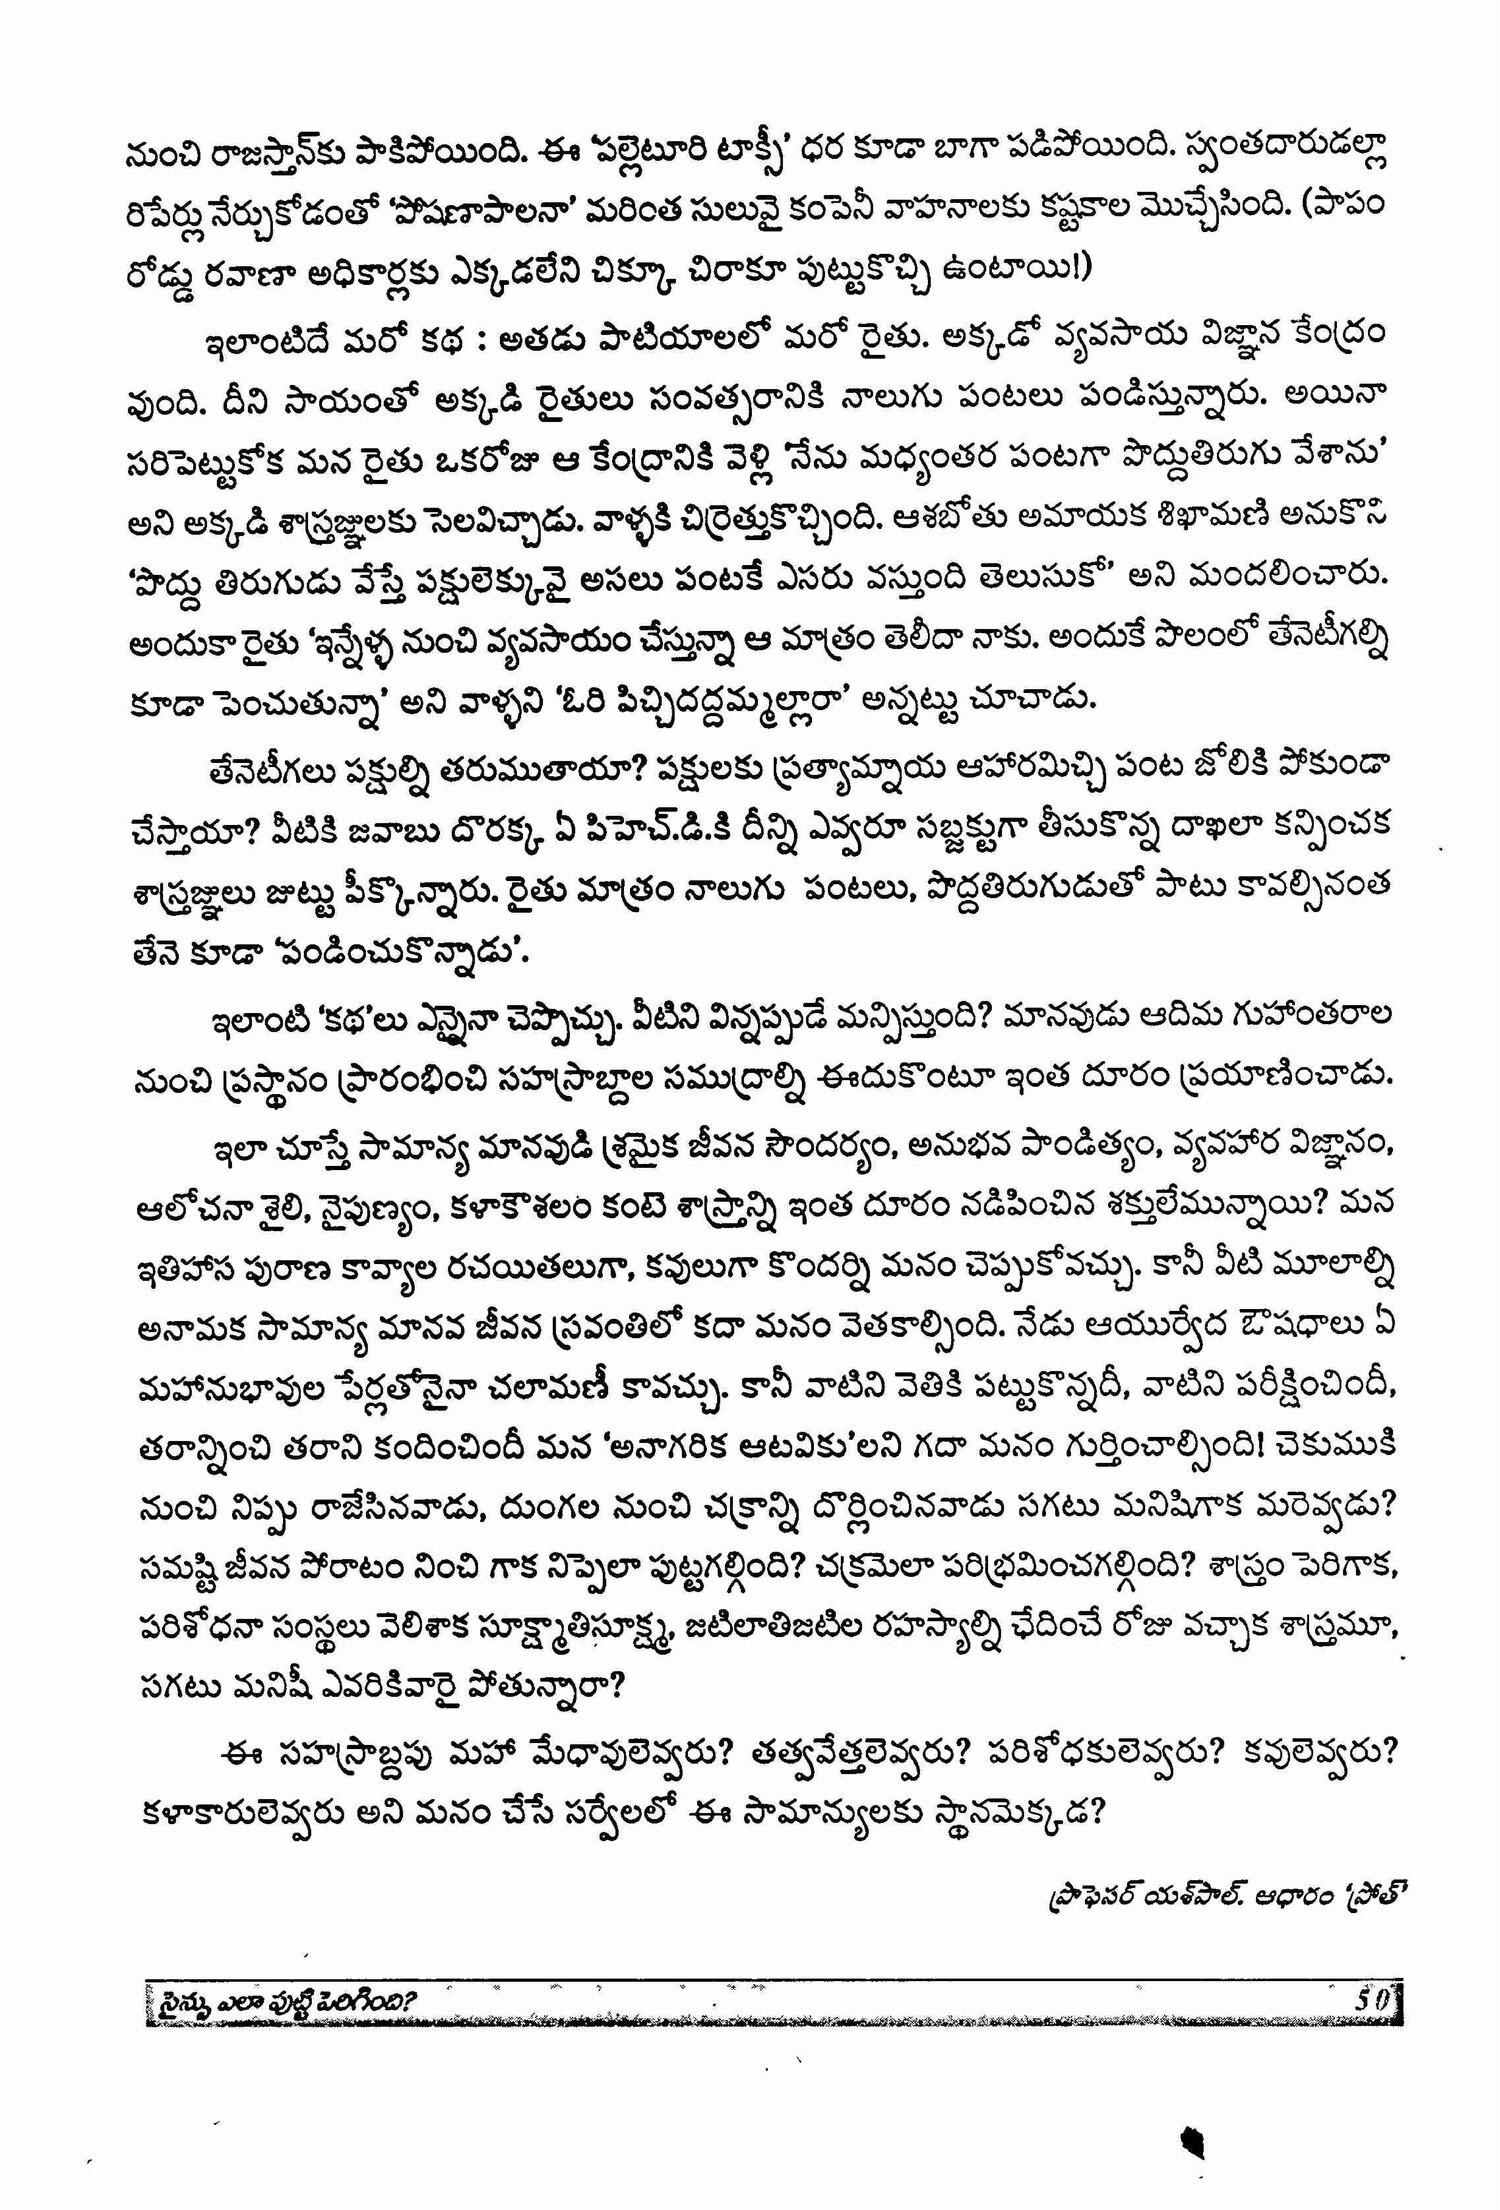నుంచి రాజస్తాన్‌కు పాకిపోయింది. ఈ పల్లెటూరి టాక్సీ' ధర కూడా బాగా పడిపోయింది. స్వంతదారుడల్లా రిపేర్లు నేర్చుకోడంతో 'పోషణాపాలనా” మరింత సులువై కంపెనీ వాహనాలకు కష్టకాల మొచ్చేసింది. (పాపం రోడ్డు రవాణా అధికార్లకు ఎక్కడలేని చిక్కూ చిరాకూ పుట్టుకొచ్చి ఉంటాయి!)

ఇలాంటిదే మరో కథ : అతడు పాటియాలలో మరో రైతు. అక్కడో వ్యవసాయ విజ్ఞాన కేంద్రం వుంది. దీని సాయంతో అక్కడి రైతులు సంవత్సరానికి నాలుగు పంటలు పండిస్తున్నారు. అయినా సరిపెట్టుకోక మన రైతు ఒకరోజు ఆ కేంద్రానికి వెళ్లి నేను మధ్యంతర పంటగా పొద్దుతిరుగు వేశాను' అని అక్కడి శాస్త్రజ్ఞులకు సెలవిచ్చాడు. వాళ్ళకి చిర్రెత్తుకొచ్చింది. ఆశబోతు అమాయక శిఖామణి అనుకొని 'పొద్దు తిరుగుడు వేస్తే పక్షులెక్కువై అసలు పంటకే ఎసరు వస్తుంది తెలుసుకో' అని మందలించారు. అందుకారైతు 'ఇన్నేళ్ళ నుంచి వ్యవసాయం చేస్తున్నా ఆ మాత్రం తెలిదా నాకు. అందుకే పొలంలో తేనెటీగల్ని కూడా పెంచుతున్నా' అని వాళ్ళని 'ఓరి పిచ్చిదద్దమ్మల్లారా' అన్నట్టు చూచాడు.

తేనెటీగలు పక్షుల్ని తరుముతాయా? పక్షులకు ప్రత్యామ్నాయ ఆహారమిచ్చి పంట జోలికి పోకుండా చేస్తాయా? వీటికి జవాబు దొరక్క ఏ పిహెచ్.డి.కి దీన్ని ఎవ్వరూ సబ్జక్టుగా తీసుకొన్న దాఖలా కన్పించక శాస్త్రజ్ఞులు జుట్టు పీక్కొన్నారు. రైతు మాత్రం నాలుగు పంటలు, పొద్దతిరుగుడుతో పాటు కావల్సినంత తేనె కూడా 'పండించుకొన్నాడు'.

ఇలాంటి 'కథ'లు ఎన్నైనా చెప్పొచ్చు. వీటిని విన్నప్పుడే మన్పిస్తుంది? మానవుడు ఆదిమ గుహాంతరాల నుంచి ప్రస్థానం ప్రారంభించి సహస్రాబ్దాల సముద్రాల్ని ఈదుకొంటూ ఇంత దూరం ప్రయాణించాడు.

ఇలా చూస్తే సామాన్య మానవుడి శ్రమైక జీవన సౌందర్యం, అనుభవ పాండిత్యం, వ్యవహార విజ్ఞానం, ఆలోచనా శైలి, నైపుణ్యం, కళాకౌశలం కంటే శాస్త్రాన్ని ఇంత దూరం నడిపించిన శక్తులేమున్నాయి? మన ఇతిహాస పురాణ కావ్యాల రచయితలుగా, కవులుగా కొందర్ని మనం చెప్పుకోవచ్చు. కానీ వీటి మూలాల్ని అనామక సామాన్య మానవ జీవన స్రవంతిలో కదా మనం వెతకాల్సింది. నేడు ఆయుర్వేద ఔషధాలు ఏ మహానుభావుల పేర్లతోనైనా చలామణీ కావచ్చు. కానీ వాటిని వెతికి పట్టుకొన్నదీ, వాటిని పరీక్షించిందీ, తరాన్నించి తరాని కందించిందీ మన 'అనాగరిక ఆటవికు'లని గదా మనం గుర్తించాల్సింది! చెకుముకి నుంచి నిప్పు రాజేసినవాడు, దుంగల నుంచి చక్రాన్ని దొర్లించినవాడు సగటు మనిషిగాక మరెవ్వడు? సమష్టి జీవన పోరాటం నించి గాక నిప్పెలా పుట్టగల్గింది? చక్రమెలా పరిభ్రమించగల్గింది? శాస్త్రం పెరిగాక, పరిశోధనా సంస్థలు వెలిశాక సూక్ష్మాతిసూక్ష్మ, జటిలాతిజటిల రహస్యాల్ని ఛేదించే రోజు వచ్చాక శాస్త్రమూ, సగటు మనిషీ ఎవరికివారై పోతున్నారా?

ఈ సహస్రాబ్దపు మహా మేధావులెవ్వరు? తత్వవేత్తలెవ్వరు? పరిశోధకులెవ్వరు? కవులెవ్వరు? కళాకారులెవ్వరు అని మనం చేసే సర్వేలలో ఈ సామాన్యులకు స్థానమెక్కడ?